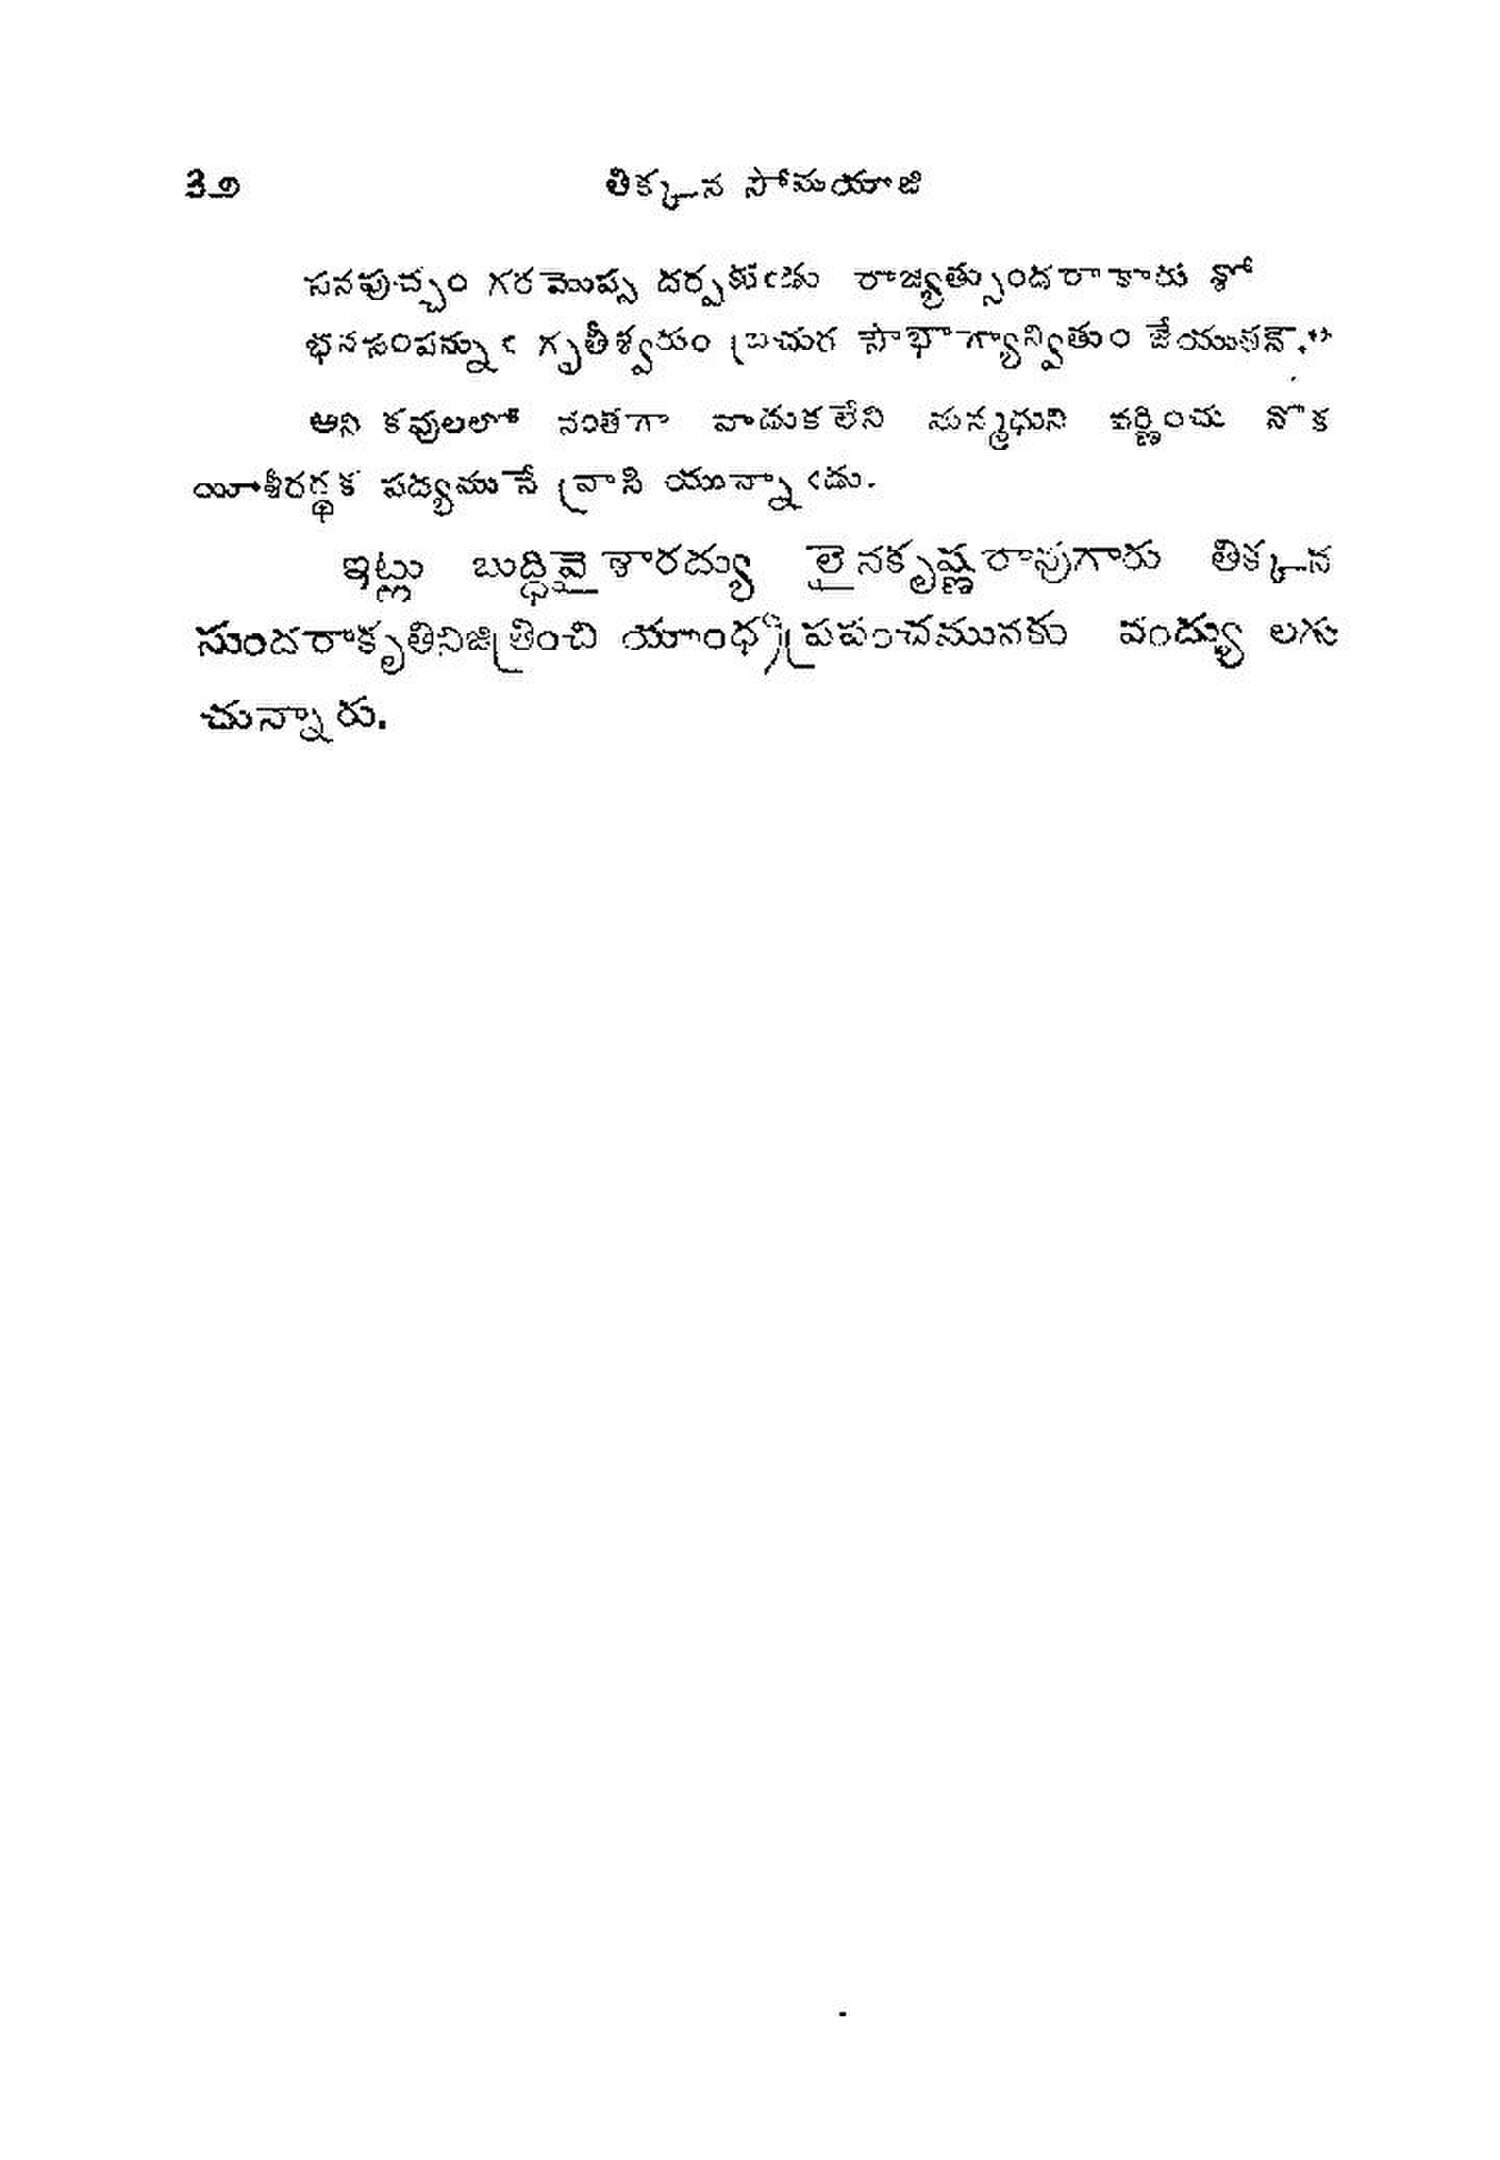సనపుచ్చం గరమొప్ప దర్పకుఁడు రాజ్యత్సుండరాకారు శో 
భనసంపన్నుఁ గృతీశ్వరుం బ్రచుర సౌభాగ్యాన్వితుం జేయుతన్."
అని కవులలో నంతగా వాడుకలేని మన్మధుని వర్ణించు నొక యీశీరర్థక పద్యమునే వ్రాసి యున్నాఁడు.

ఇట్లు బుద్ధివైశారద్యు లైనకృష్ణరావుగారు తిక్కన సుందరాకృతినిజిత్రించి యాంధ్రప్రపంచమునకు వంద్యు లగుచున్నారు.